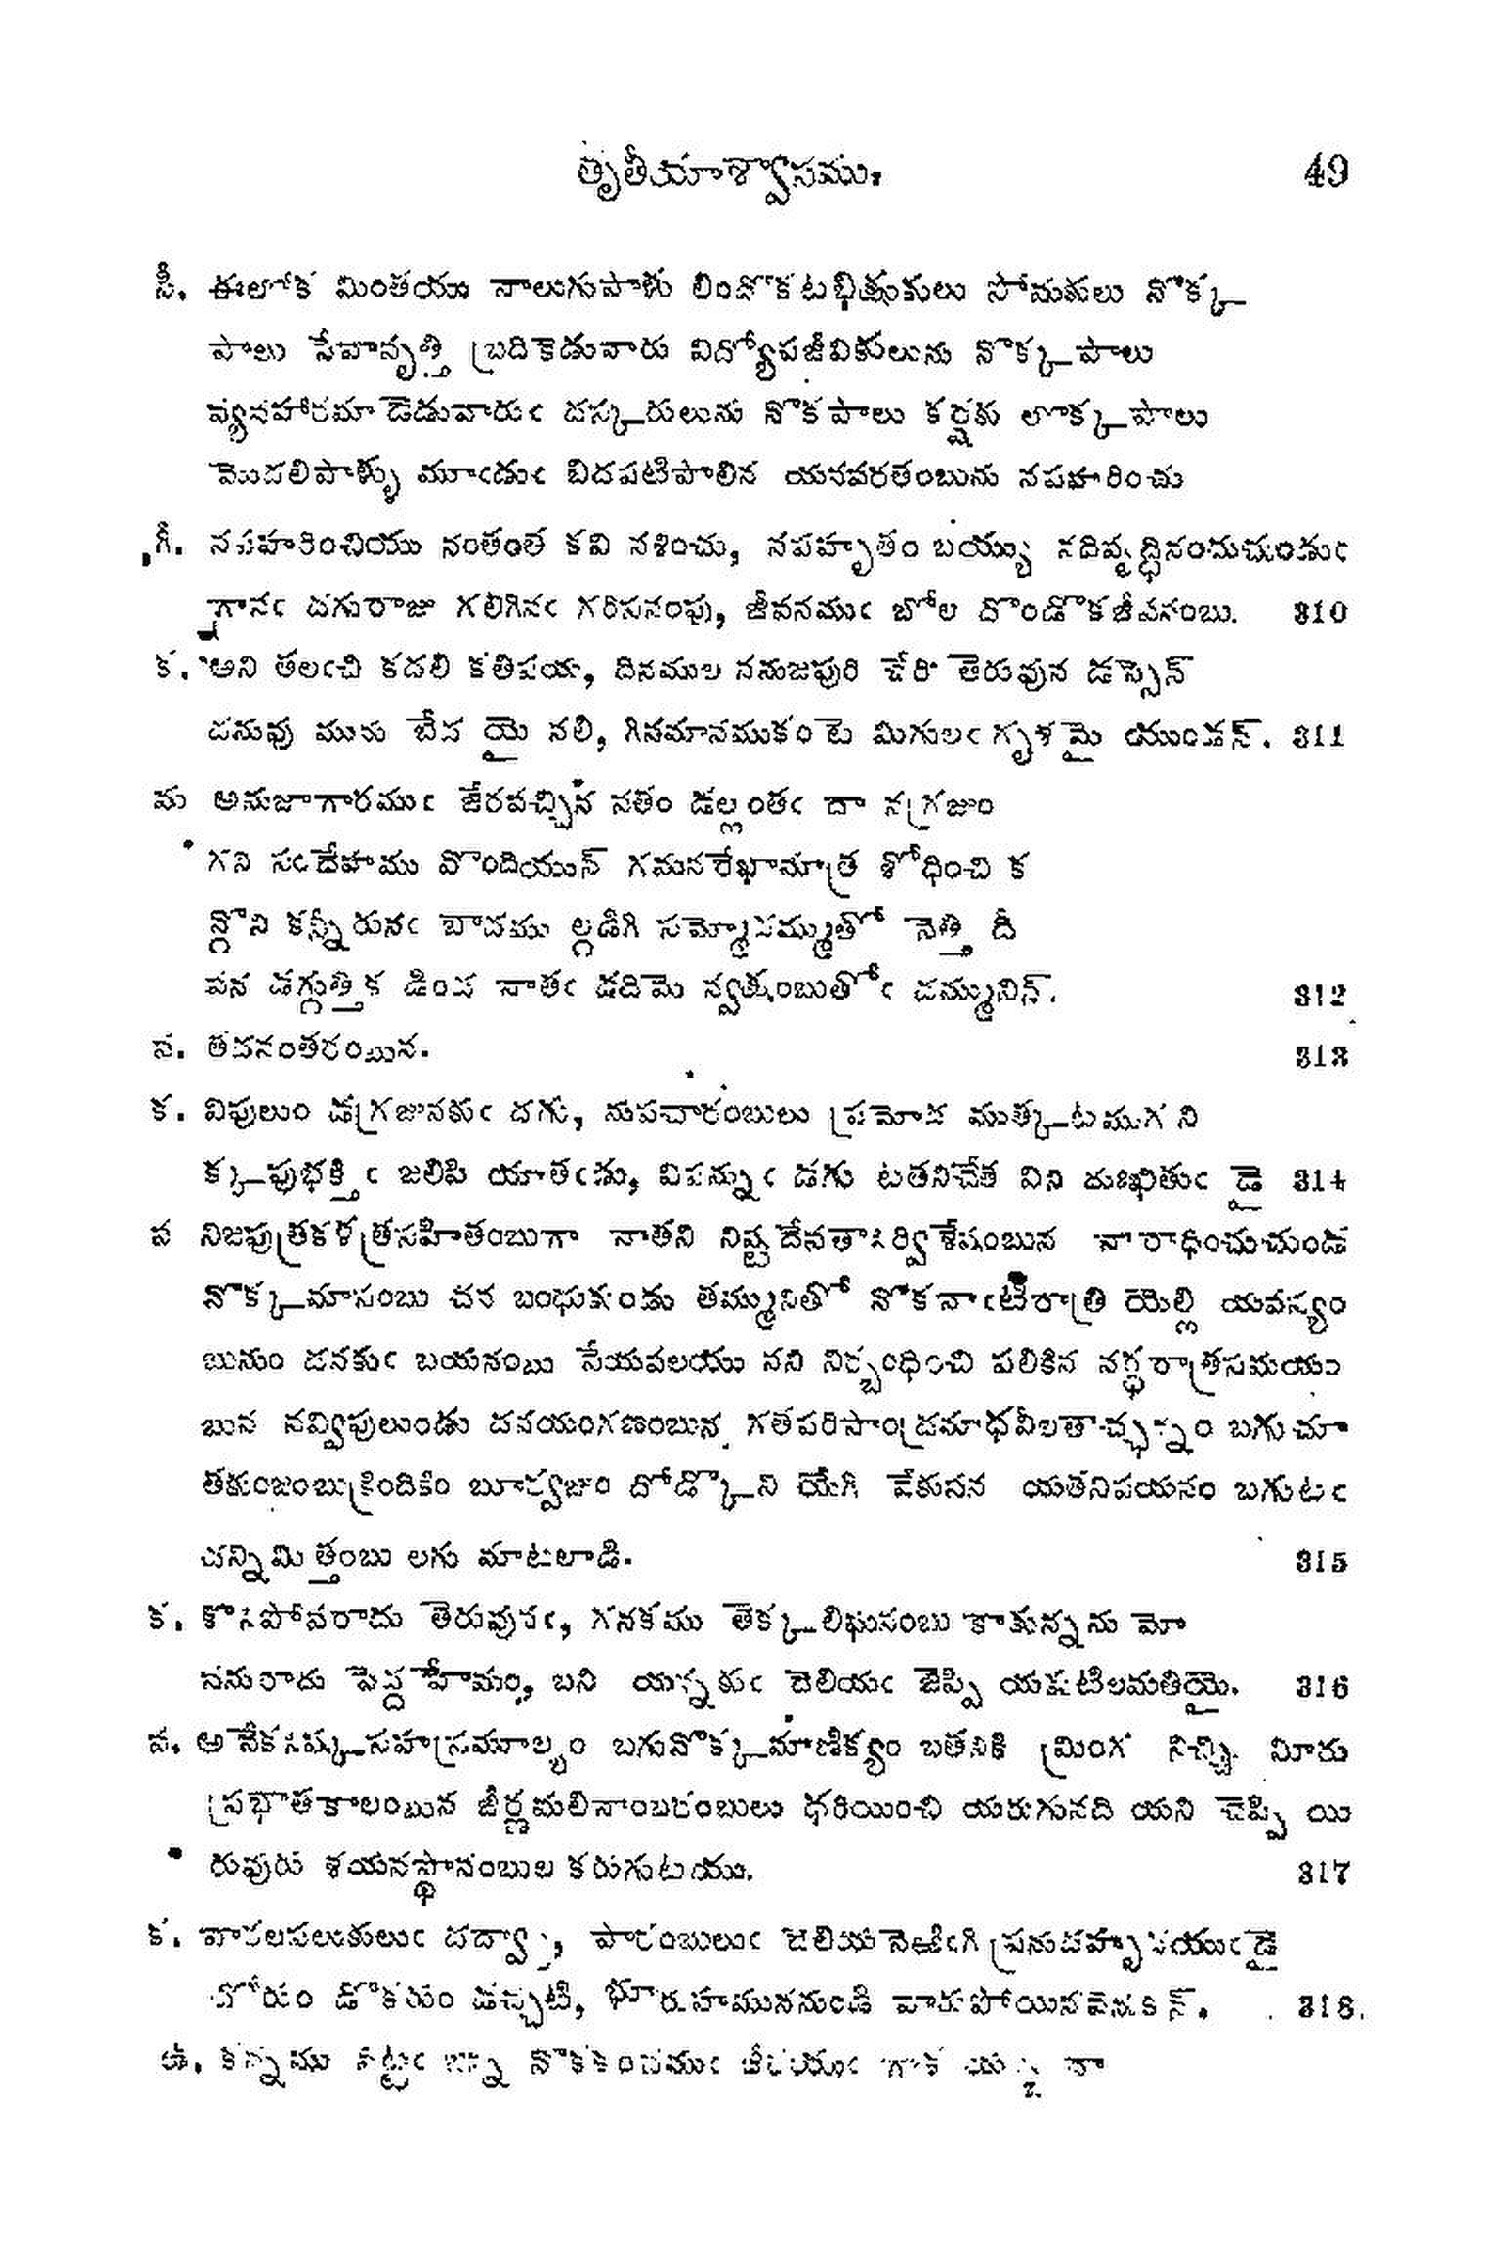సీ. ఈలోక మింతయు నాలుగుపాళు లిందొకట భిక్షుకులు సోమకులు నొక్క
 పాలు సేవావృత్తి బ్రదికెడువారు విద్యోపజీవికులును నొక్కపాలు
 వ్యవహారమాడెడువారుఁ దస్కరులును నొకపాలు కర్షకు లొక్కపాలు
 మొదలిపాళ్ళు మూఁడుఁ బిదపటిపాలిన యనవరతంబును నపహరించు
గీ. నపహరించియు నంతంత కవి నశించు, నపహృతం బయ్యు నది వృద్ధి నందుచుండు
 గానఁ దగురాజు గలిగినఁ గరిసనంపు, జీవనముఁ బోల దొండొకజీవనంబు.
క. అని తలఁచి కదలి కతిపయ, దినముల ననుజపురి చేరి తెరువున డస్సెన్
 దనువు మును బేద యై నలి, గినమానముకంటె మిగులఁ గృశమై యుండన్.
మ. అనుజాగారముఁ జేరవచ్చిన నతం డల్లంతఁ దా నగ్రజుం
 గని సందేహము వొందియున్ గమనరేఖామాత్ర శోధించి క
 న్గొని కన్నీరునఁ బాదము ల్గడిగి సమ్మోదమ్ముతో నెత్తి దీ
 వన డగ్గుత్తిక డింద నాతఁ డదిమె న్వక్షంబుతోఁ దమ్మునిన్.
వ. తదనంతరంబున.
క. విపులుం డగ్రజునకుఁ దగు, నుపచారంబులు ప్రమోద ముత్కటముగ ని
 క్కపుభక్తిఁ జలిపి యాతఁడు, విపన్నుఁ డగు టతనిచేత విని దుఃఖితుఁ డై.
వ. నిజపుత్రకళత్రసహితంబుగా నాతని నిష్టదేవతానిర్విశేషంబున నారాధించుచుండ
 నొక్కమాసంబు చన బంధుకుండు తమ్మునితో నొకనాఁటిరాత్రి యెల్లి యవస్యం
 బునుం దనకుఁ బయనంబు సేయవలయు నని నిర్బంధించి పలికిన నర్ధరాత్రసమయం
 బున నవ్విపులుండు దనయంగణంబున గతపరిసాంద్రమాధవీలతాచ్ఛన్నం బగుచూ
 తకుంజంబుక్రిందికిం బూర్వజుం దోడ్కొని యేగి వేకువన యతనిపయనం బగుట
 దన్నిమిత్తంబు లగు మాటలాడి.
క. కొనిపోవరాదు తెరువునఁ, గనకము తెక్కలిఘనంబు కాకున్నను మో
 నను రాదు పెద్దహేమం, బని యన్నకుఁ దెలియఁ జెప్పి యకుటిలమతియై.
వ. అనేక నిష్కసహస్రమూల్యం బగునొక్కమాణిక్యం బతనికి మ్రింగ నిచ్చి మీరు
 ప్రభాతకాలంబున జీర్ణమలినాంబరంబులు ధరియించి యరుగునది యని చెప్పి యి
 రువురు శయనస్థానంబుల కరుగుటయు.
క. వారలపలుకులుఁ దద్వ్యాపారంబులుఁ దెలియనెఱిఁగి ప్రమదహృదయుఁడై
 చోరుం డొకరుం డచ్చటి, భూరుహమున నుండి వారు పోయినవెనుకన్.
ఉ. కన్నము పెట్టఁ జన్న నొకకందముఁ జేతయుఁ గాక యున్చి దా